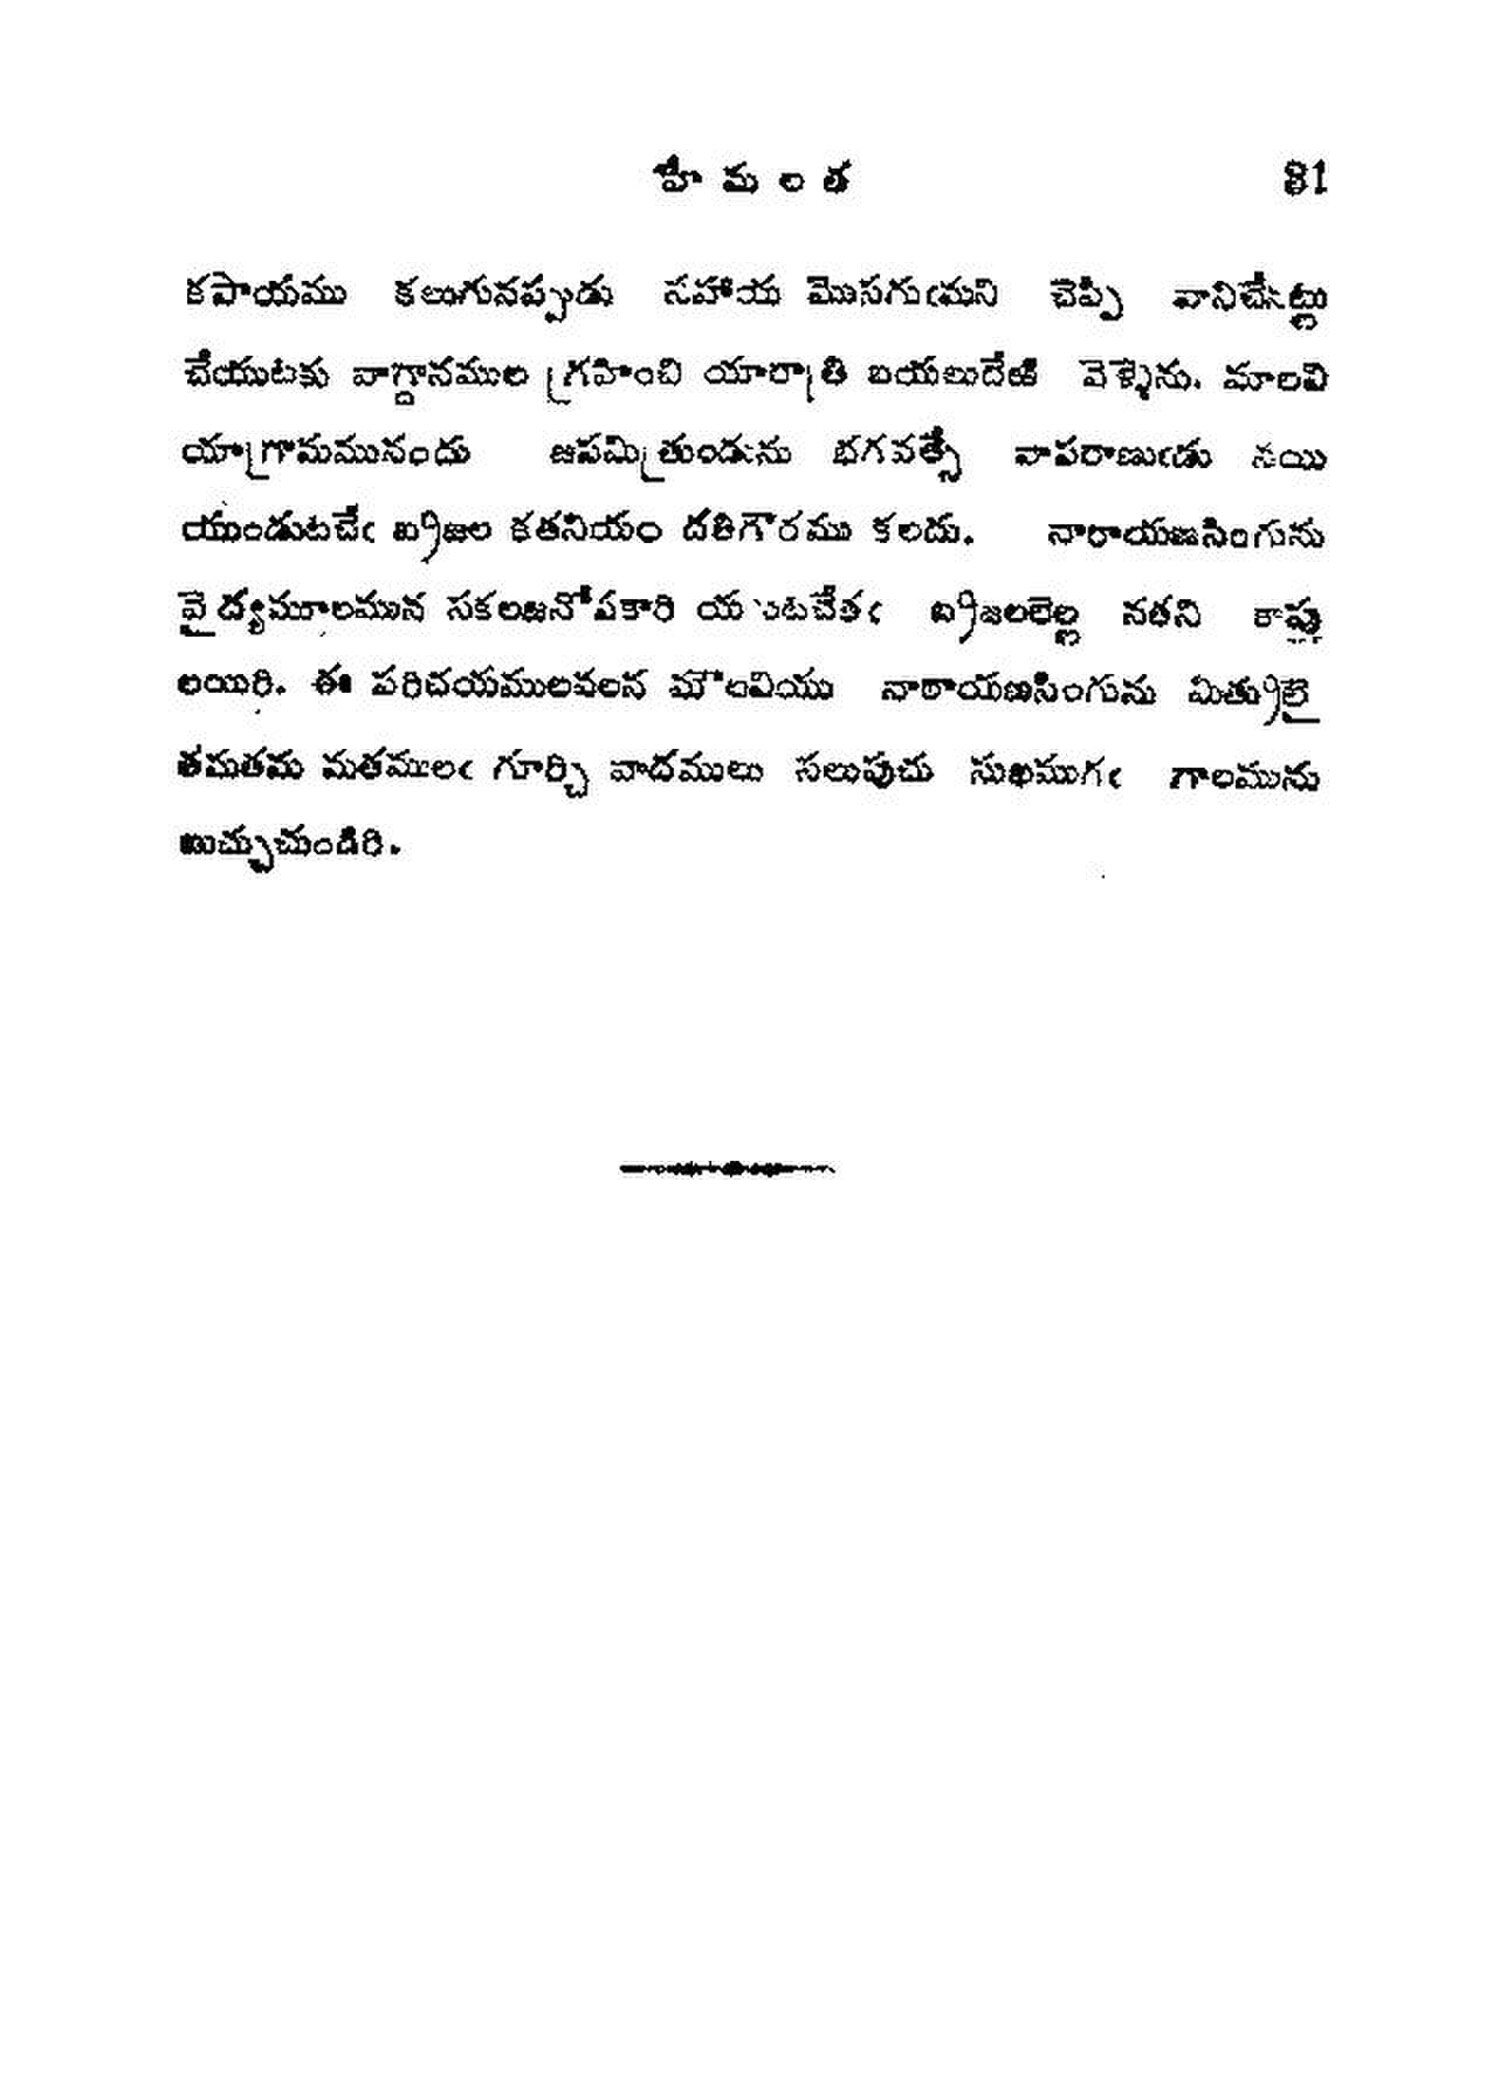కపాయము కలుగునప్పుడు సహాయ మొసగుఁమని చెప్పి వానిచేనట్లు చేయుటకు వాగ్దానముల గ్రహించి యారాత్రి బయలుదేఱి వెళ్ళెను. మాలవి యాగ్రామమునందు జపమిత్రుండును భగవత్సేవాపరాణుఁడు నయి యుండుటచేఁ బ్రజల కతనియం దతిగౌరవము కలదు. నారాయణ సింగును వైద్యమూలమున సకలజనోపకారి యగుటచేత బ్రజలలెల్ల నతని కాప్తులయిరి. ఈ పరిచయములవలన మౌలవియు నారాయణసింగును మిత్రులై తమతమ మతములఁ గూర్చి వాదములు సలుపుచు సుఖముగఁ గాలమును బుచ్చుచుండిరి.